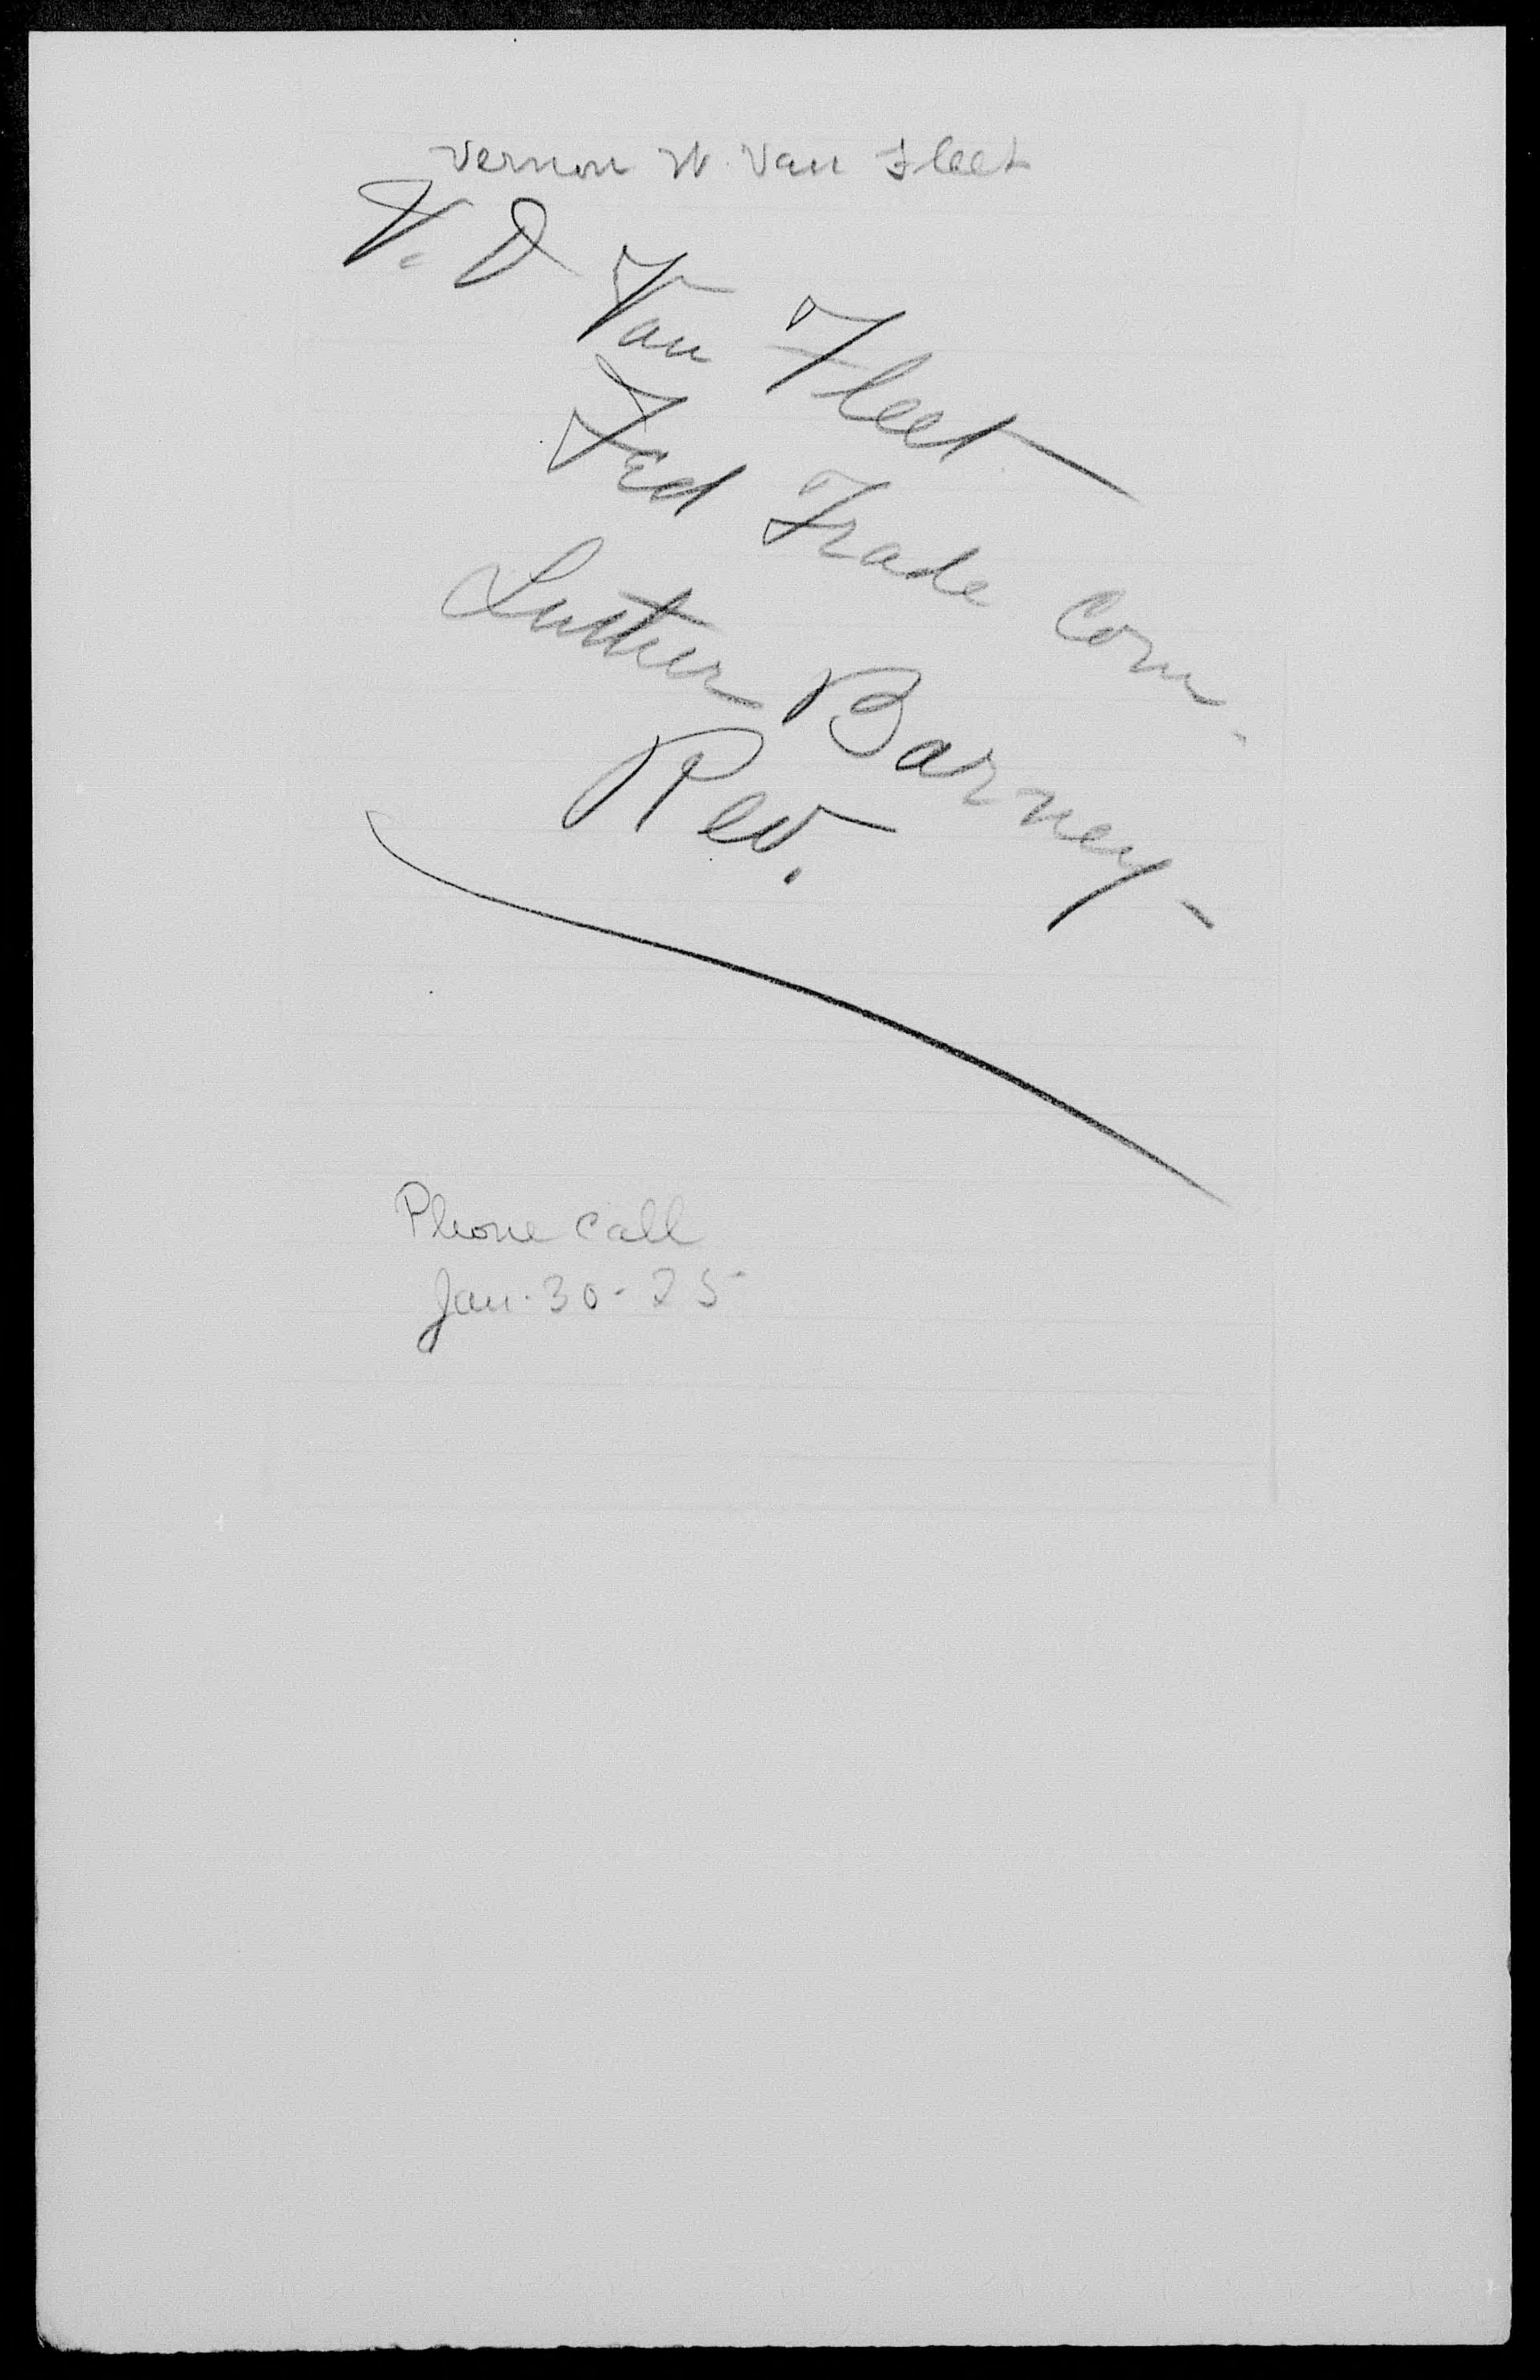Vernon W. Van Fleet
V. D Van Fleet
Fed Trade Com
Luther Barney - Rev.
Phone call
Jan-30-25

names: Luther Barney, V D Van Fleet, Vernon W Van Fleet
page: 56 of 61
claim: widow's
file: W. 4.124, Luther Barney, Conn. Privateer.